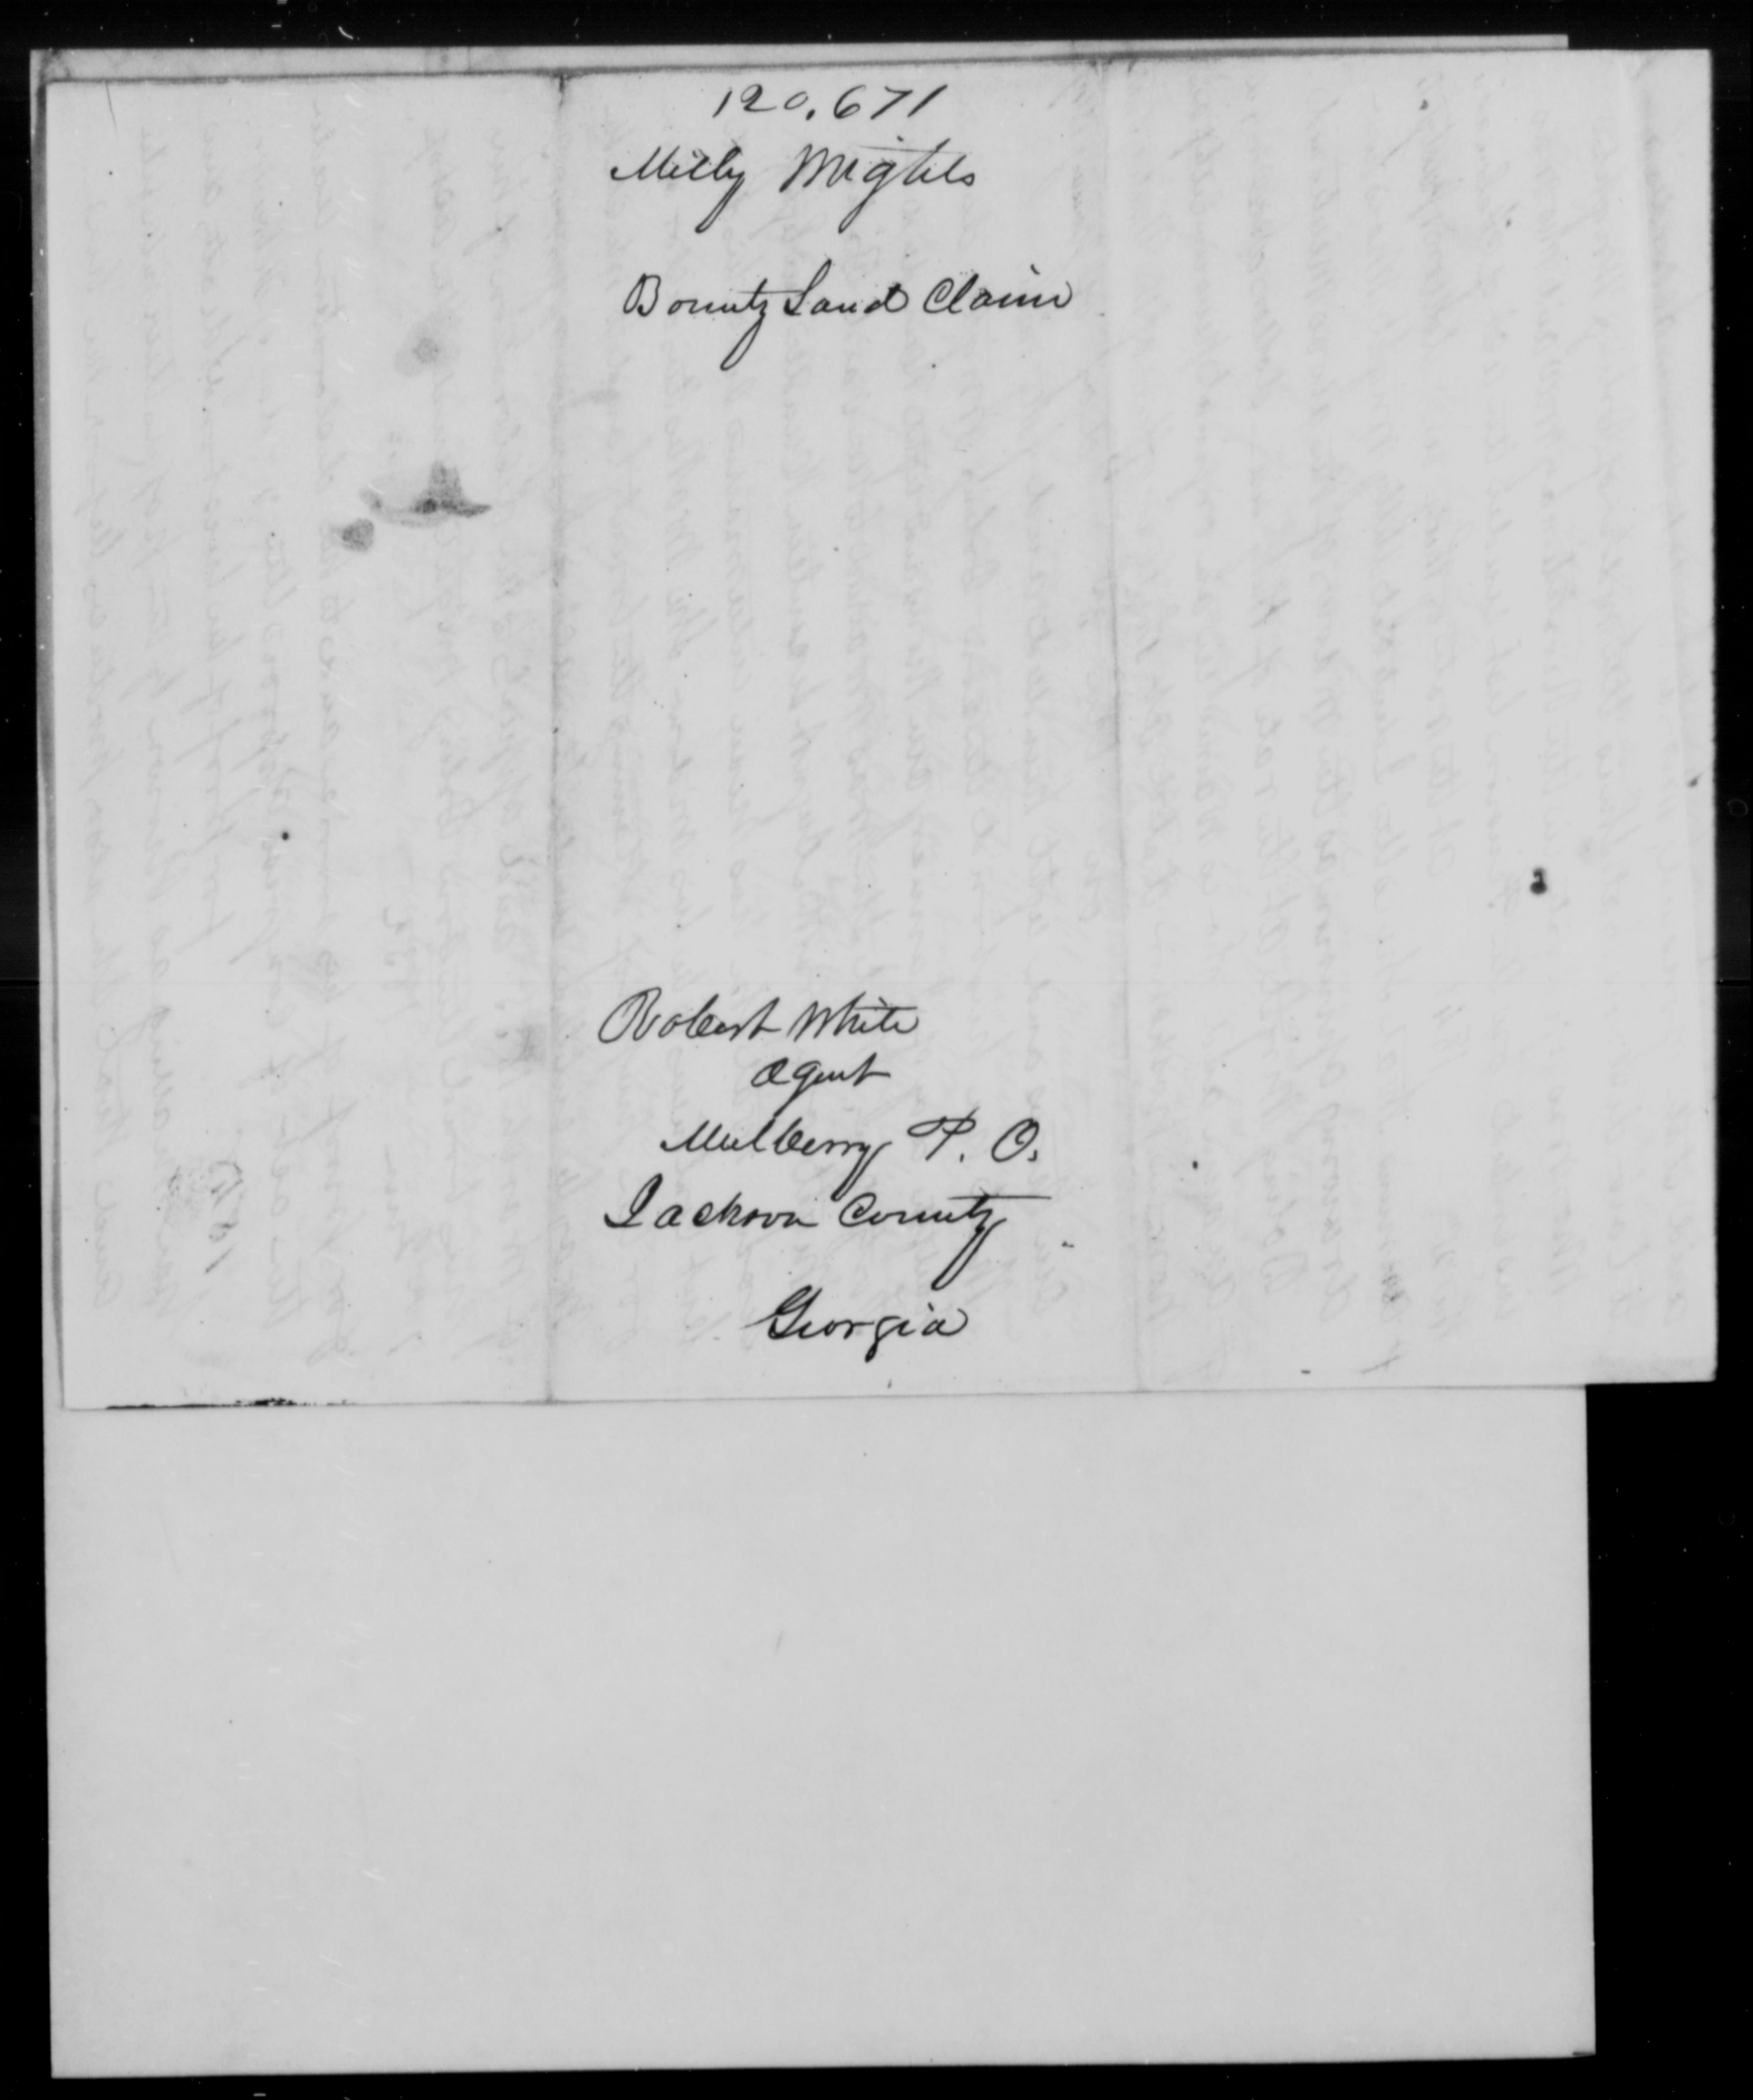120.671
Milly Wright 

Bounty Land Claim

Robert White
agent
Mulberry P.O.
Jackson County
Georgia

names: Milly Wrights, Robert White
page: 19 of 81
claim: widow's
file: W. 5183, Bolling Wright, Va.